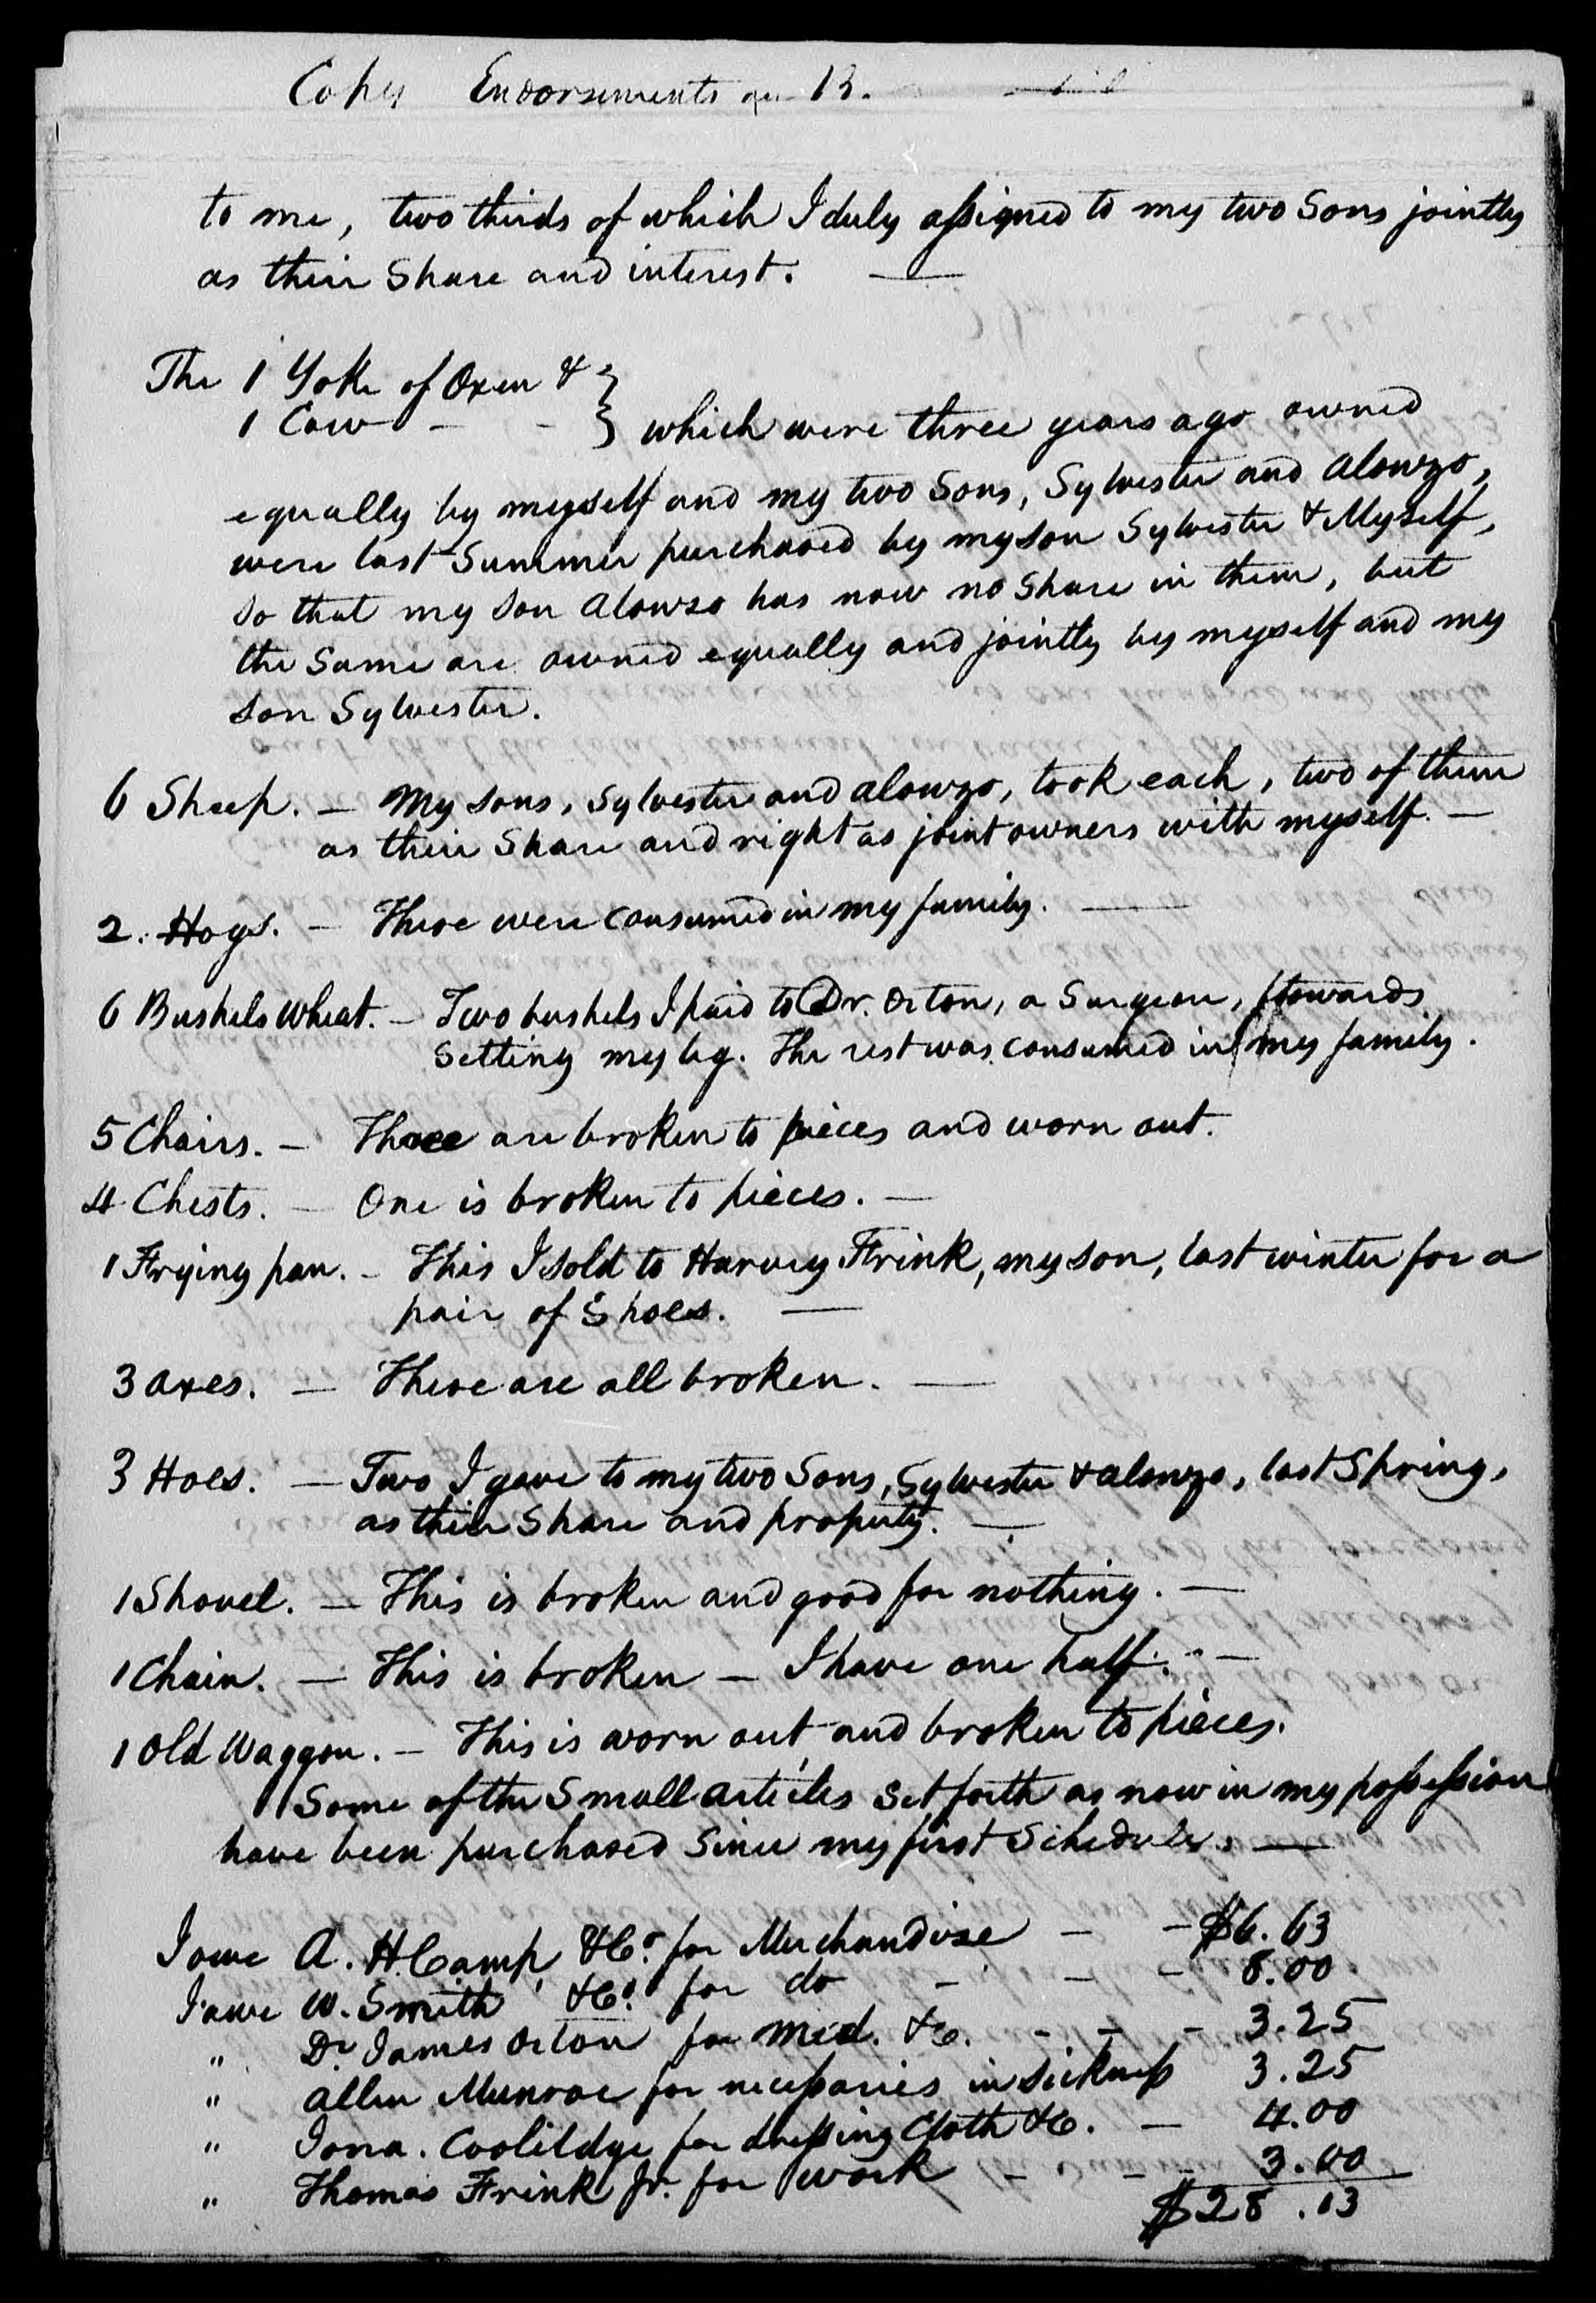to me, two thirds of which I duly assigned to my two sons jointly as their share and interest.

The 1 yoke of oxen & 1 cow which were three years ago owned equally by myself and my two sons, Sylvester and Alonzo, were last summer purchased by my son Sylvester & myself, so that my son Alonzo has now no share in them, but the same are owned equally and jointly by myself and my son Sylvester.
6 sheep - My sons, Sylvester and Alonzo, took each, two of them as their share and right as joint owners with myself.
2 Hogs - These were consumed in ny family.
6 Bushels Wheat - Two bushels I paid to Dr. Orton, a surgeon, towards setting my leg.  The rest was consumed in my family.
5 Chairs- Three are broken to pieces and worn out.
4 Chests - One is broken to pieces.
1 Frying Pan - This I sold to Harvey Frink, my son, last winter for a pair of shoes.
3 Axes - These are all broken.
3 Hoes - Two I gave to my two sons, Sylvester and Alonzo, last spring, as their share and property.
1 Shovel - This is broken and good for nothing.
1 Chain - This is broken - I have one half.
1 Old Waggon - This is worn out and broken to pieces.
Some of the small articles set forth as now in my possession have been purchased since my first schedule.
I owe A. H. Camp & Co. for merchandise  $6.63
I owe A. Smith & Co. for do -- 6.00
" [I owe] Dr. James Orton for med                          3.25
" [I owe] Allen Munroe necessaries in sickness  3.25
" [I owe]  Iona Collildge for dressing cloth              4.00
" [I owe] Thomas Frink Jr. for work                          3.25
 [Total] ---  $28.13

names: Sylvester, Alonzo, Harvey Frink, Sylvester, Sylvester, Orton, Sylvester, Sylvester, Thomas Frink, Allen Munroe, James Orton, Jona Coolildge, Alonzo, W Smith, Alonzo, Alonzo, A H Camp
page: 8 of 33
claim: survivor's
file: S 43571, Thomas Frink, Mass.